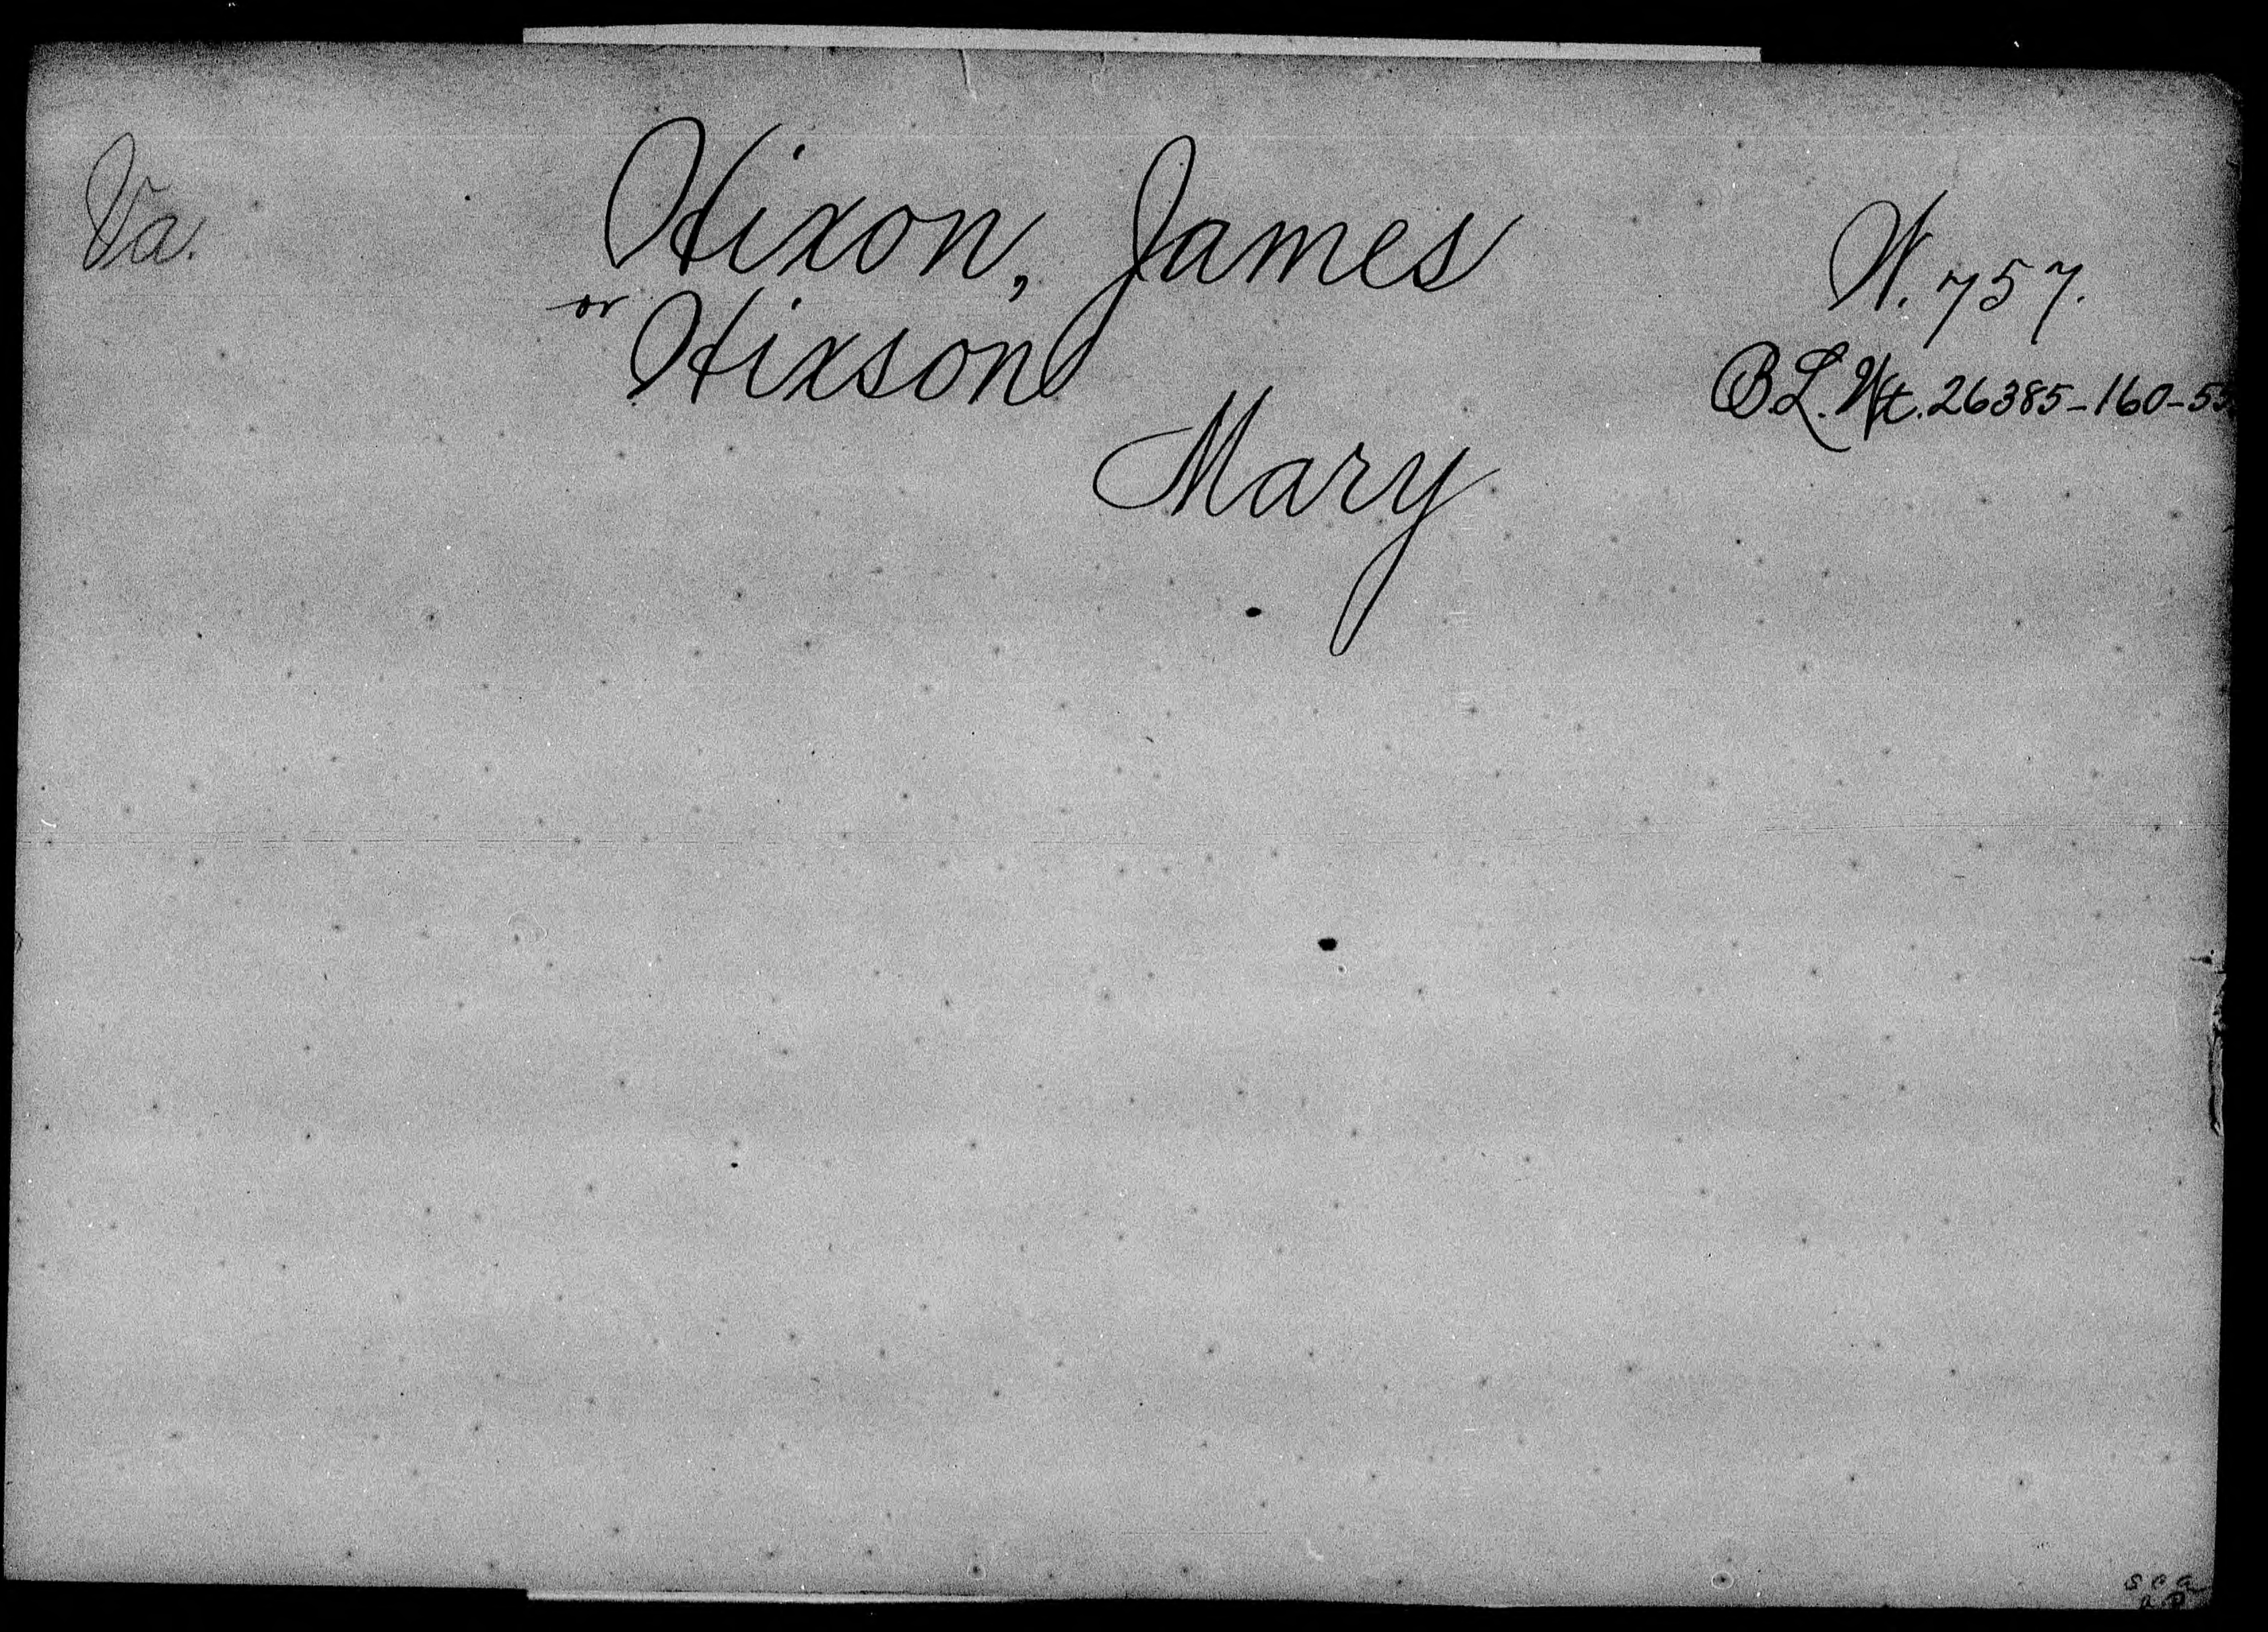Va.	Hixon, James	W.757
	or Hixson	B.L.Wt.26385-160-55
		Mary

	SCA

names: James Hixson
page: 1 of 1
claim: widow's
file: W. 757, James Hixon, Va.